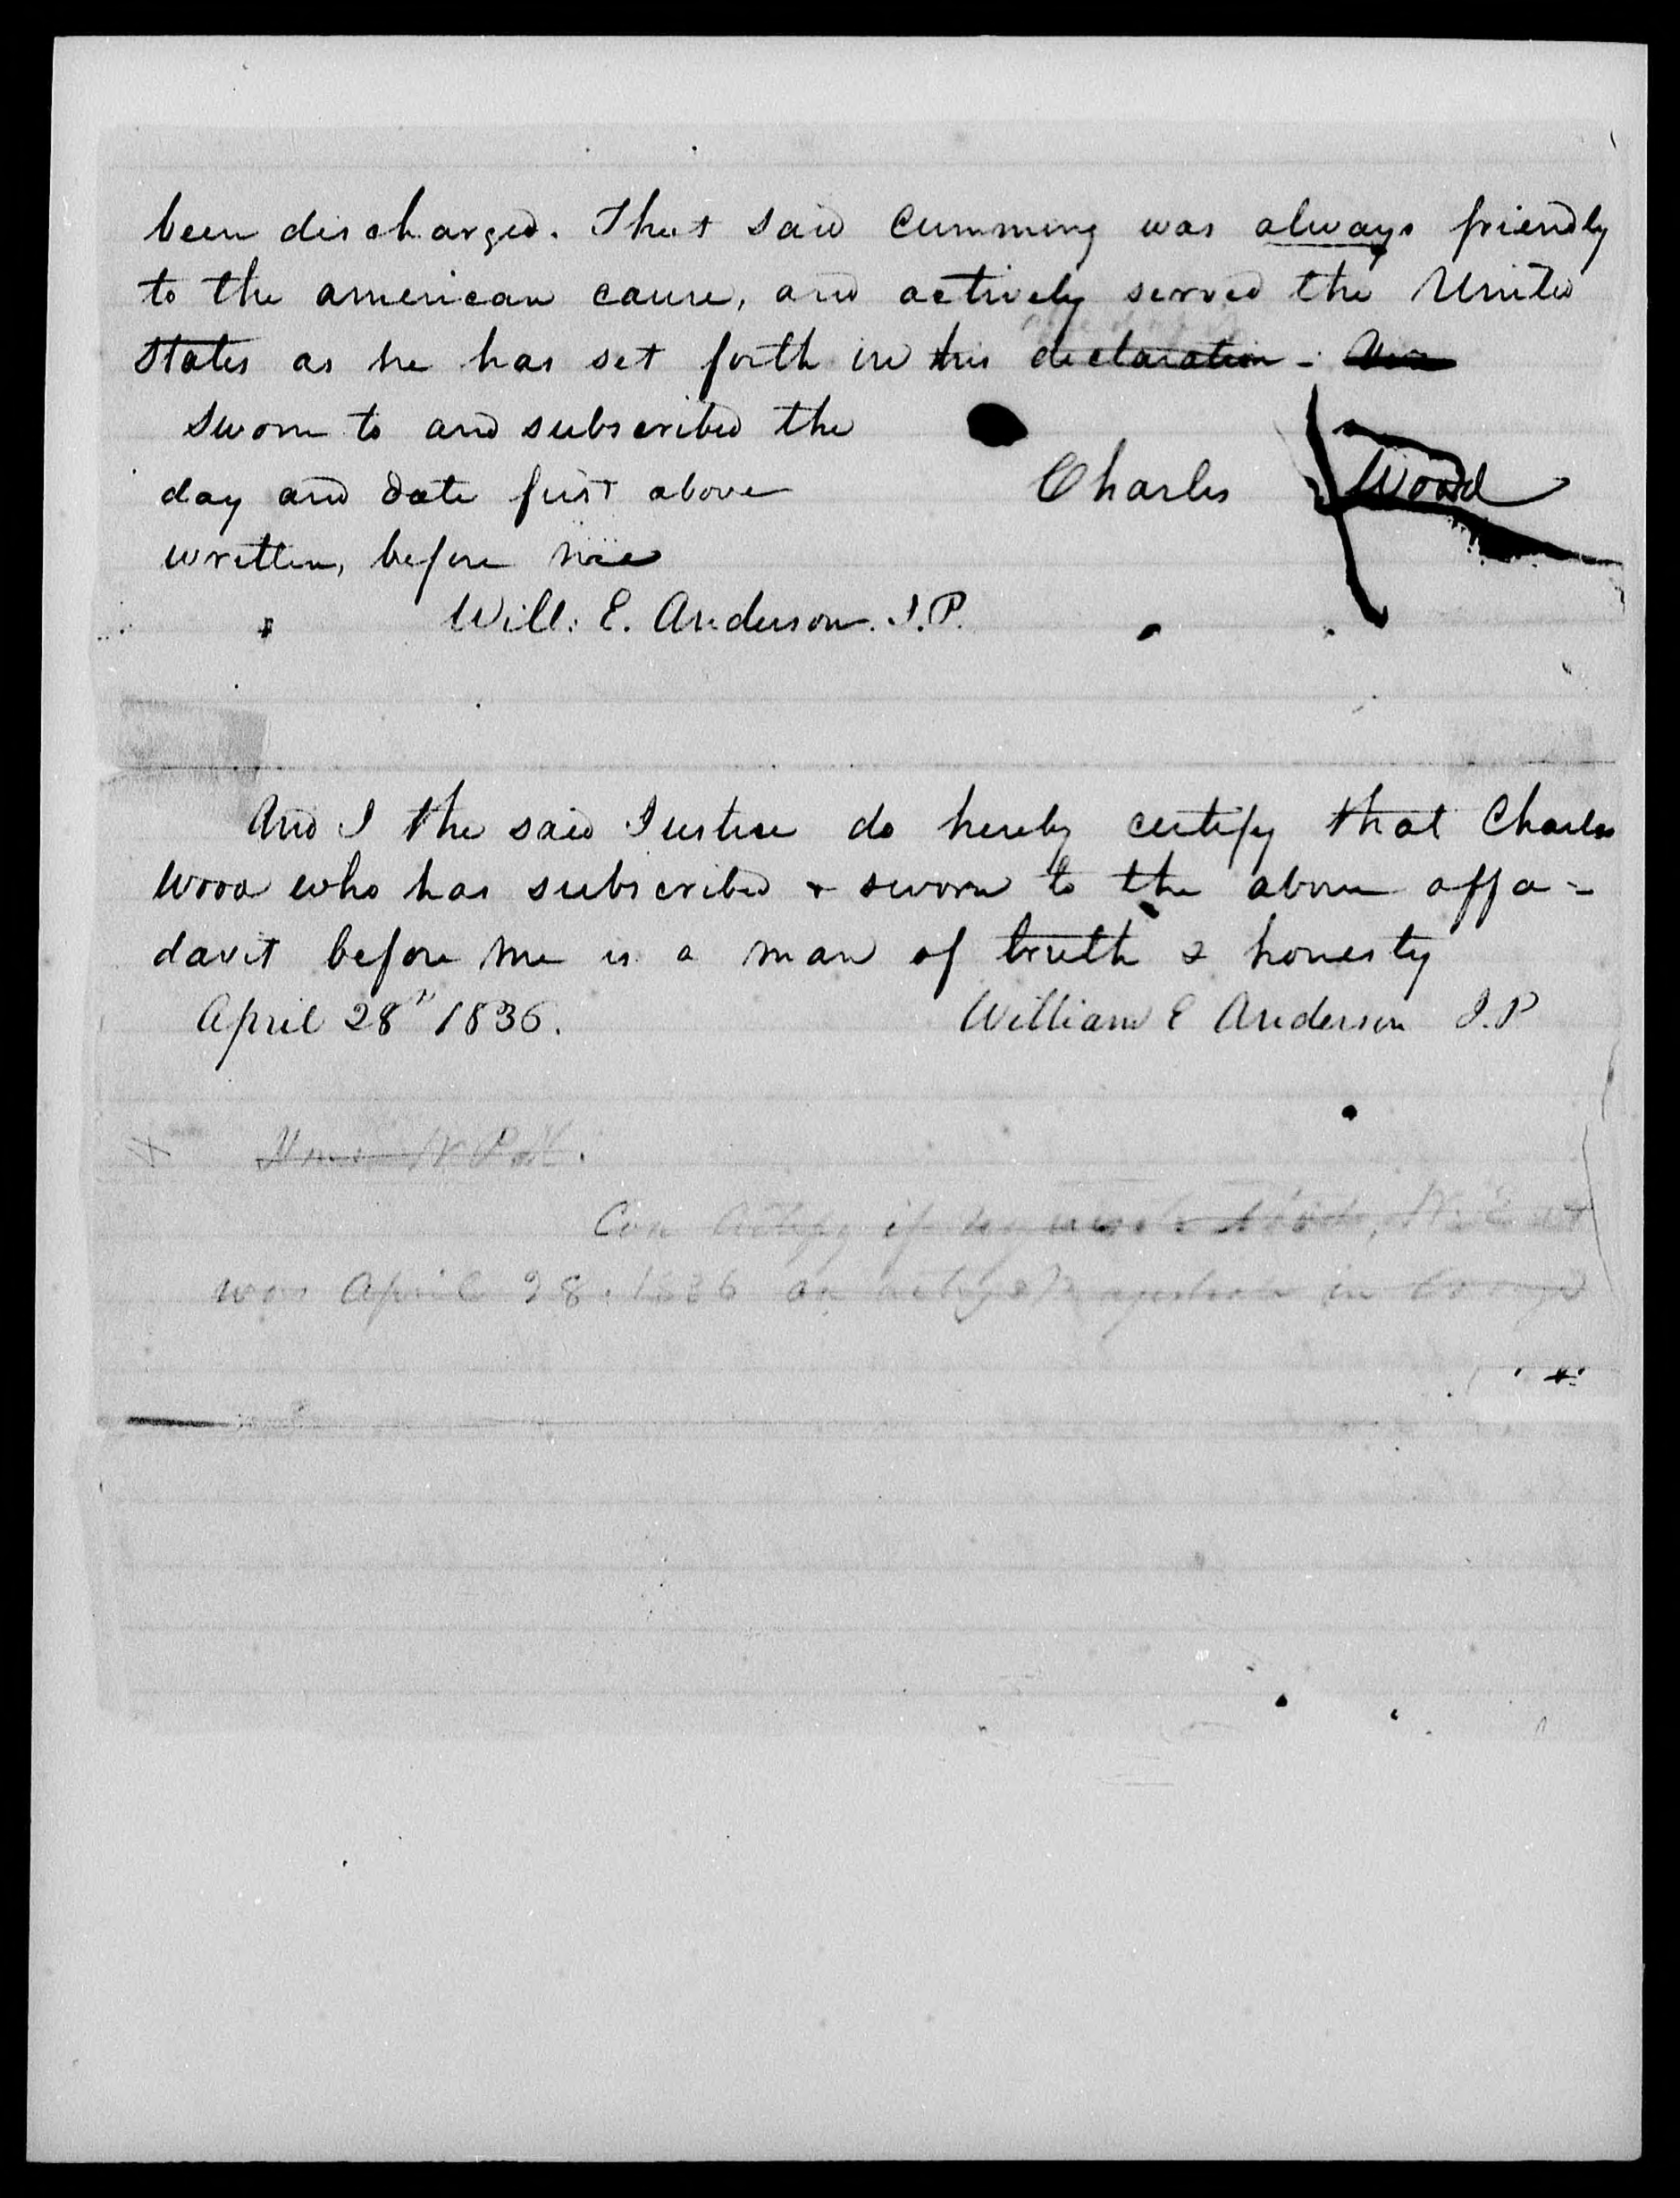[Second and last page of handwritten record.]

been discharged.  That said Cumming was [here the following word is underlined] always friendly to the american cause, and actively served the United States as he has set forth in this [or his] [here the following two words are stricken through: "declaration - Viz" with, written above in light ink or pencil:] ^affidavit 

[Signature] Charles Wood [which was clearly written in ink, with what appears to be a large mark, where it appears Charles Wood made his mark]

Sworn to and subscribed the day and date first above written, before me 
Will: E. Anderson, J.P. [Justice of the Peace]

[There is a small image of a piece of tape near the left margin.]

And I the said Justice do hereby certify that Charles Wood who has subscribed and sworn to the above affidavit before me is a man of truth and honesty
April 28th 1836.      William E. Anderson J.P

[There is a handwritten "4" written perpendicularly, near the left margin, and a stricken-through, hard-to-read, practically illegible phrase, possibly in light ink, followed by the additional phrase, which also was all stricken-through:]  Can Certify if [illegible phrase which may possibly read:] requested that, W: E A [apparently meaning William E Anderson] was April 28, 1836 an acting Majestrate [Magestrate]  in [illegible]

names: Cumming, Charles Wood, Will E Anderson, Charles Wood, William E Anderson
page: 82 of 145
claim: survivor's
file: S. 8265, William Cumming, N.C.